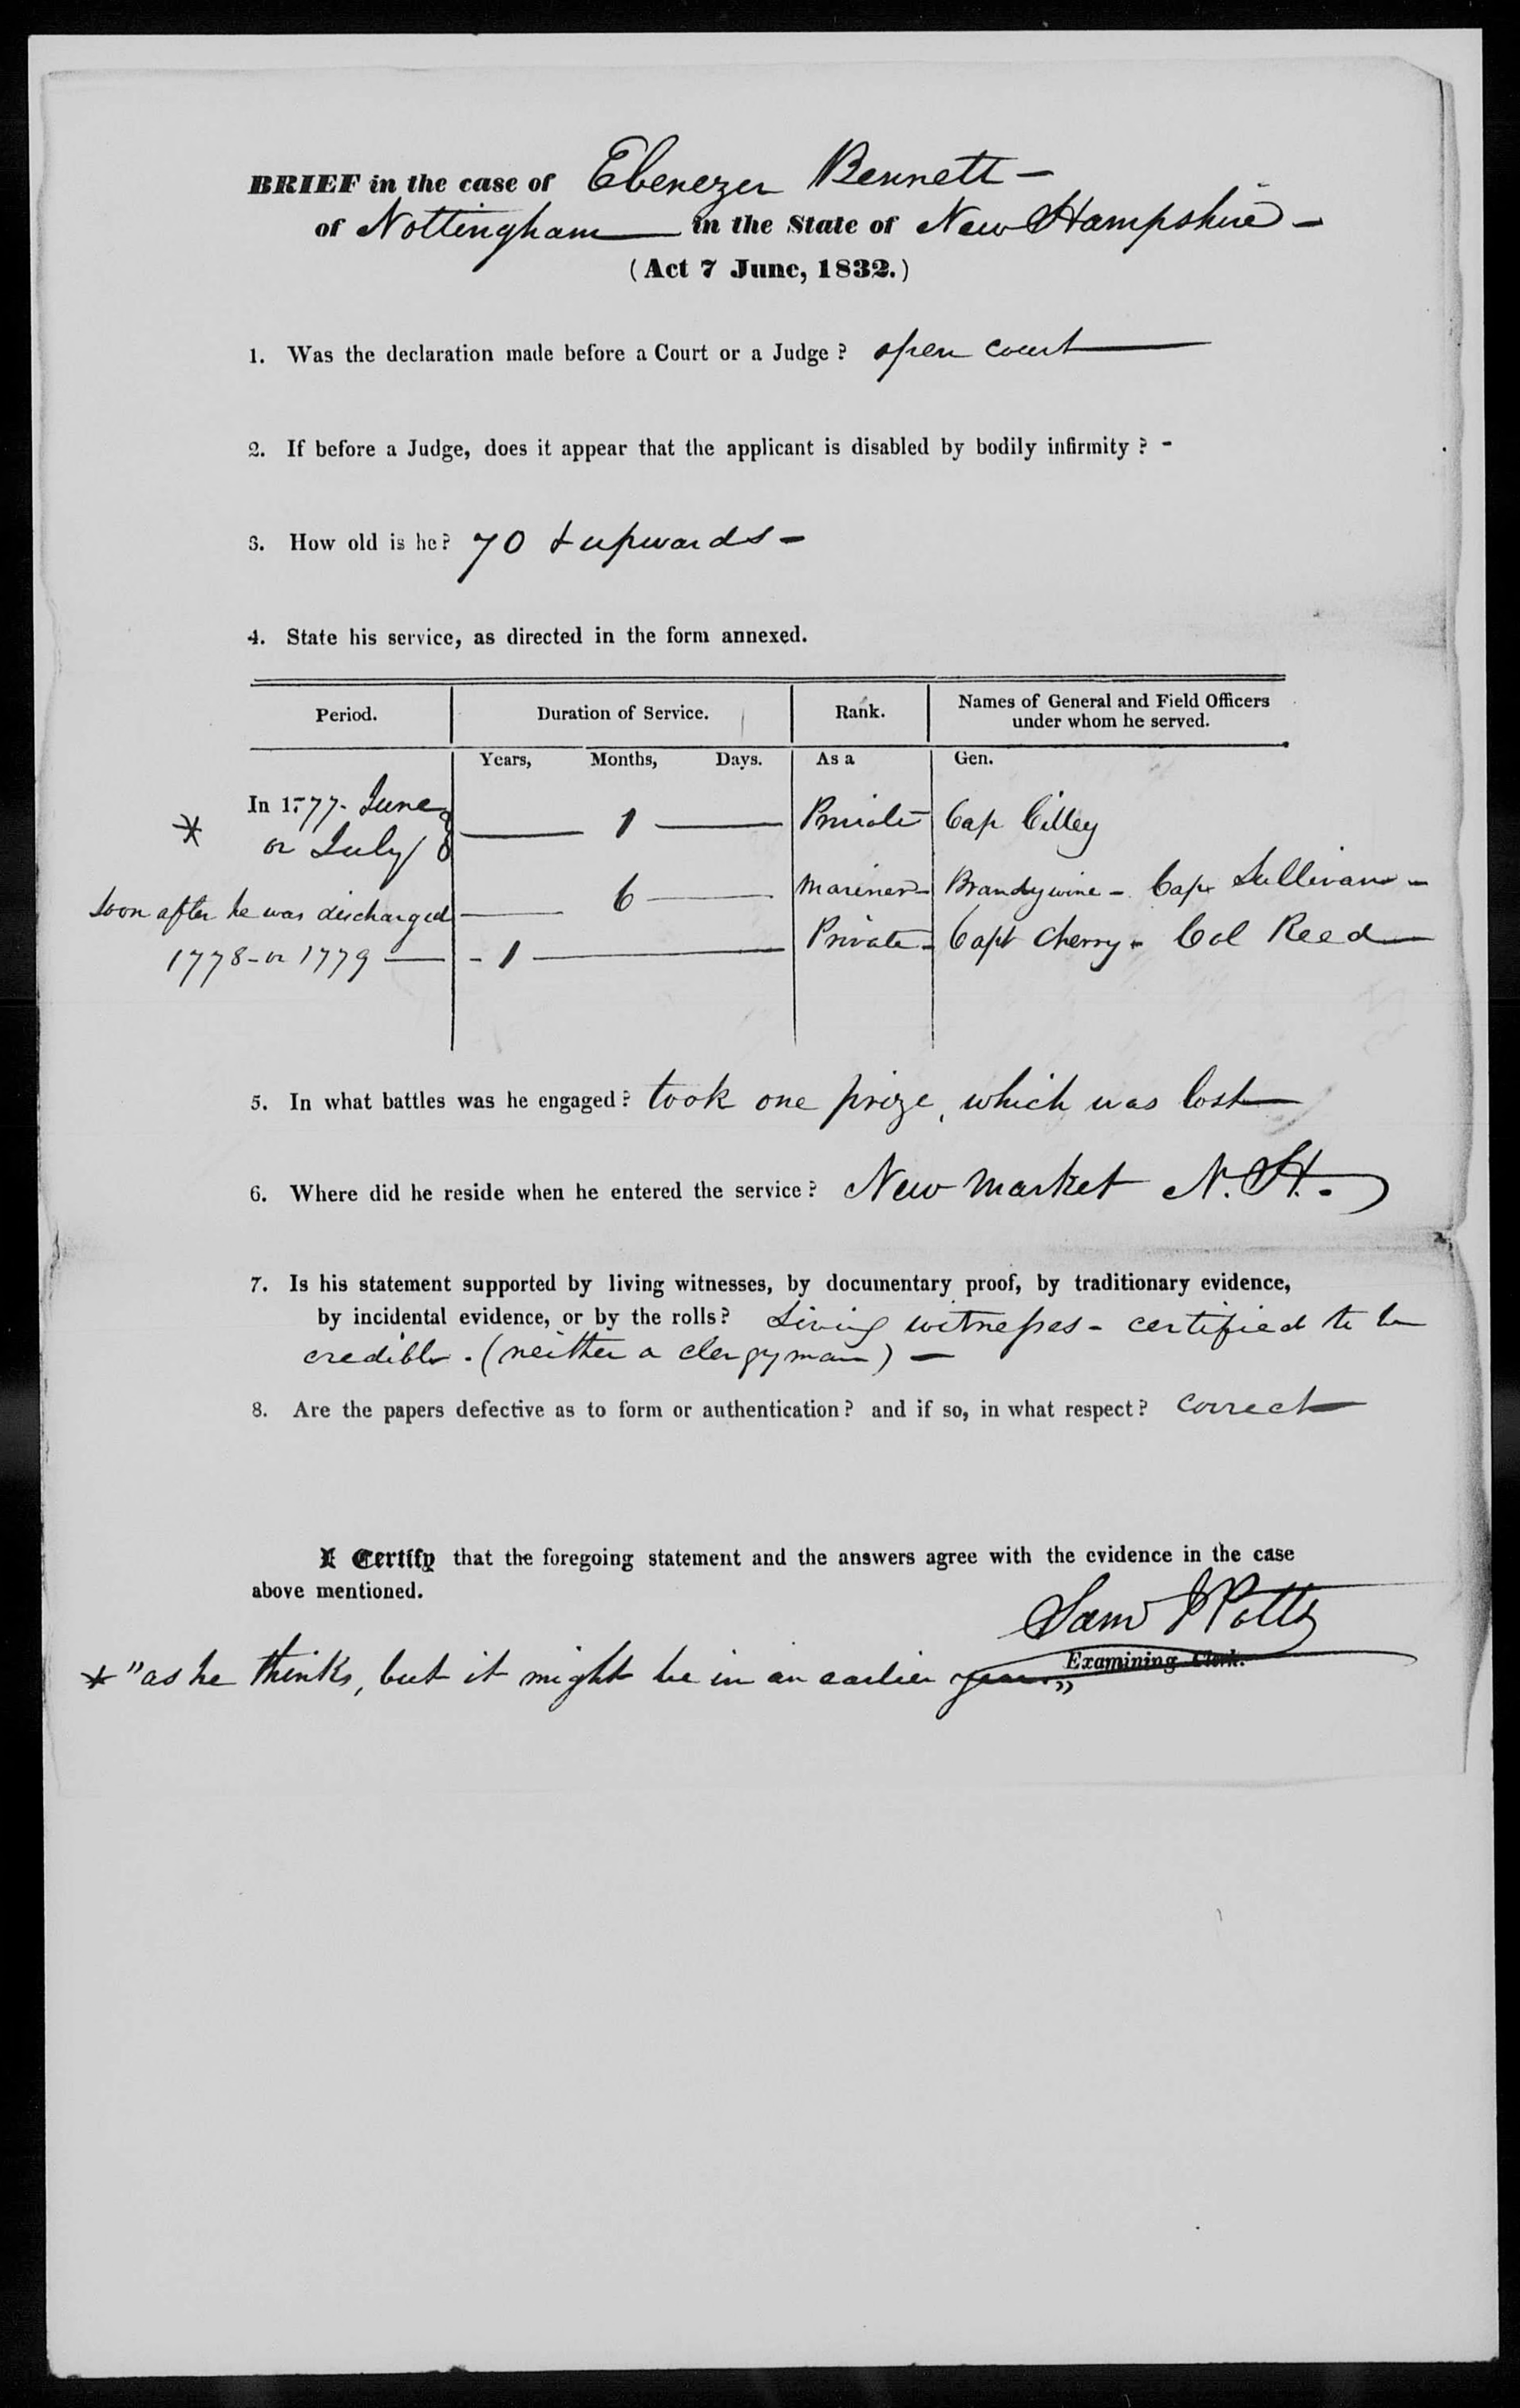BRIEF in the case of Ebenezer Bennett -
of Nottingham in the State of New Hampshire -
(Act 7 June, 1832.)
1. Was the declaration made before a Court or a Judge? Open Court
2. If before a Judge, does it appear that the applicant is disabled by bodily infirmity?
3. How old is he? 70 & upwards -
4. State his service, as directed in the form annexed.
Period.  |  Duration of Service.  |  Rank.  |  Names of General and Field Officers under whom he served.
-  |  Years,   Month,   Days  |  As a   |  Gen.
*In 1777 June or July  |  - 1 -  |  Private  |  Cap Cilley
Soon after he was discharge  |  - 6 -  |  Mariner  |  Brandywine-- Cap Sullivan
1778- or 1779  |  1 - -  |  Private  |  Capt Cherry  -Col Reed

5. In what battles was he engaged? took one prize, which was lost
6. Where did he reside when he entered the service? New Market, N. H.
7. Is his statement supported by living witnesses, by documentary proof, by traditionary evidence,
by incidental evidence, or by the rolls? Living witnesses - certified to be credible. (neither a clergyman) -
8. Are the papers defective as to form or authentication? and if so, in what respect? Correct

I Certify that the foregoing statement and the answers agree with the evidence in the case
above mentioned.  Sam J Patty
Examining Clerk.
* "as he thinks, but it might be in an earlier year"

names: Sam J Potts, Ebenezer Bennett, Cilley, Cherry, Reed, Sullivan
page: 8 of 43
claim: widow's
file: W. 21665, Ebenezer Bennett, N. H. Privateer.